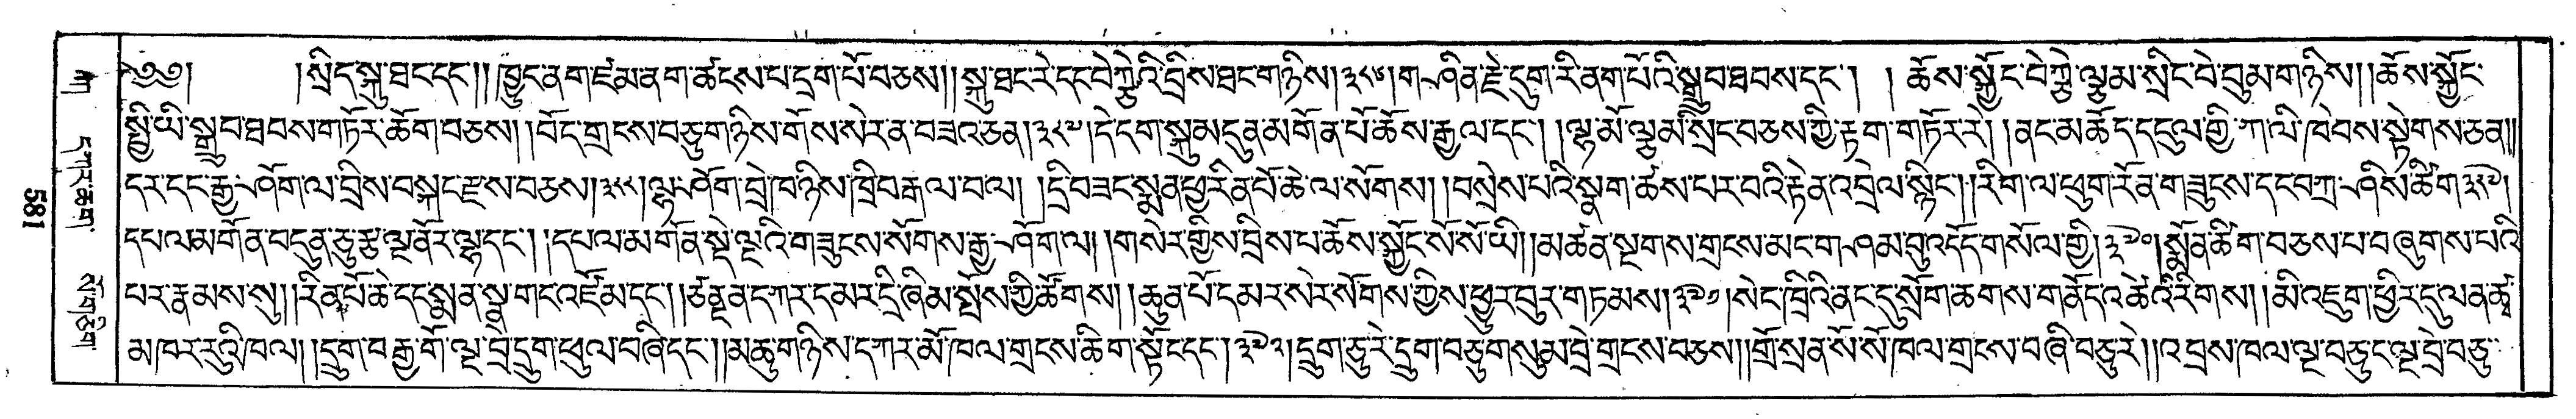༄༅། །སྲིད་སྐུ་ཐང་དང་། །ཁྱུང་ནག་ཛ་མནག་ཚངས་པ་དྲག་པོ་བཅས། །སྐུ་ཐང་རེ་དང་བེཀྩེའི་བྲིས་ཐང་གཉིས། ༣༨༦་།གཤིན་རྗེ་དུག་རི་ནག་པོའི་སྒྲུབ་ཐབས་དང་། །ཆོས་སྐྱོང་བེཀྩེ་ལྕམ་སྲིང་བེ་བུམ་གཉིས། །ཆོས་སྐྱོང་
སྤྱི་ཡི་སྒྲུབ་ཐབས་གཏོར་ཆོག་བཅས། །པོད་གྲངས་བཅུ་གཉིས་གོས་སེར་ན་བཟའ་ཅན། ༣༨༧་།དེ་དག་སྐུ་མདུན་མགོན་པོ་ཆོས་རྒྱལ་དང་། །ལྷ་མོ་ལྕམ་སྲིད་བཅས་ཀྱི་རྟག་གཏོར་རེ། །ནང་མཆོད་དངུལ་གྱི་ཀ་ལི་ཁེབས་སྟེགས་ཅན།
དར་དང་རྒྱ་ཤོག་ལ་བྲིས་བསྐང་རྫས་བཅས། ༣༨༨་།ལྷོ་ཤོག་བྲེ་ཁ་ཉིས་ཁྲི་བརྒལ་བ་ལ། །དྲི་བཟང་སྨན་ཕྱེ་རིན་པོ་ཆེ་ལ་སོགས། །བསྲེས་པའི་སྣག་ཚས་པར་བའི་རྟེན་འབྲེལ་སྙིང་། །རིག་པ་ཕུག་རོན་གཟུངས་དང་བཀྲ་ཤིས་ཆིག ༣༨༧།
དཔལ་མགོན་བདུན་ཅུ་རྩ་ལྔ་ནོར་ལྷ་དང་། །དཔལ་མགོན་སྡེ་ལྔའི་གཟུངས་སོགས་རྒྱ་ཤོག་ལ། །གསེར་གྱིས་བྲིས་པ་ཆོས་སྐྱོང་སོ་སོ་ཡི། །མཚན་སྔགས་གྲངས་མང་གཤམ་དུ་འདོད་གསོལ་གྱི། ༣༧༠་།སྨོན་ཚིག་བཅས་པ་བཞུགས་པའི་
བར་རྣམས་སུ། །རིན་པོ་ཆེ་དང་སྨན་སྣ་གང་འཛོམ་དང་། །ཙནྡྲན་དཀར་དམར་དྲི་ཞིམ་སྤོས་ཀྱི་ཚོགས། །ཆུན་པོ་དམར་སེར་སོགས་ཀྱིས་ཕྱུར་པུར་གཏམས། ༣༧༡་།སེང་ཁྲིའི་ནང་དུ་སྲོག་ཆགས་གནོད་འཚེའི་རིགས། །མི་འཇུག་ཕྱིར་དུ་ལན་ཚྭ་
མཁར་རུའི་ཁལ། །དྲུག་བརྒྱ་གོ་ལྔ་བྲེ་དྲུག་ཕུལ་བཞི་དང་། །མ་ཆུ་གཉིས་དཀར་མོ་ཁལ་གྲངས་ཆིག་སྟོང་དང་། ༣༧༢་།དྲུག་ཅུ་རེ་དྲུག་བཅུ་གསུམ་བྲེ་གྲངས་བཅས། །གྲོ་སྲན་སོ་སོ་ཁལ་གྲངས་བཞི་བཅུ་རེ། །འབྲས་ཁལ་ལྔ་བཅུ་ང་ལྔ་བྲེ་བཅུ་